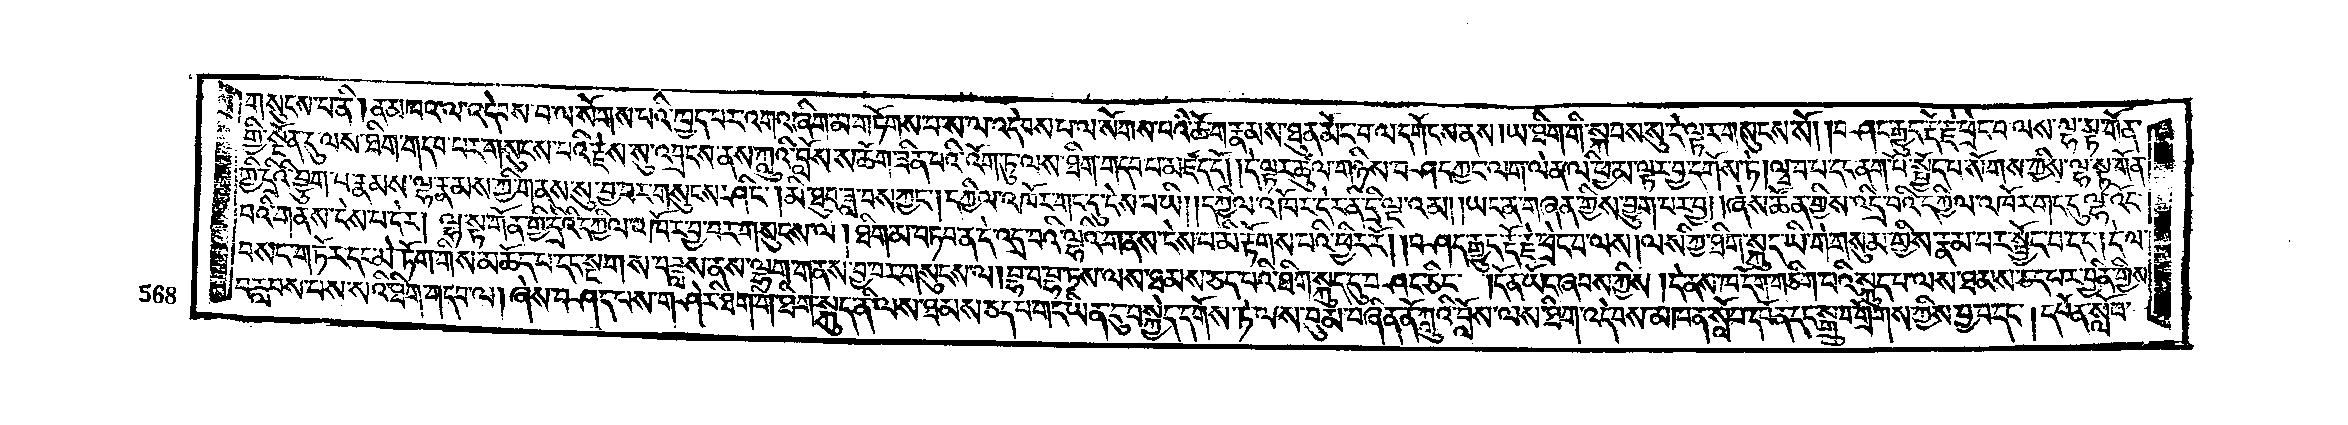གསུངས་པ་ནི། ནམ་མཁའ་ལ་འདེབས་བ་ལ་སོགས་པའི་ཁྱད་པར་འགའ་ཞིག་མ་གཏོགས་པ་ས་ལ་འདེབས་པ་ལ་སོགས་པའི་ཆོ་ག་རྣམས་ཐུན་མོང་བ་ལ་དགོངས་ནས། ཡེ་ཐིག་གི་སྐབས་སུ་དེ་ལྟར་གསུངས་སོ། །བཤད་རྒྱུད་རྡོ་རྗེ་ཕྲེང་བ་ལས་ལྷ་སྟ་གོན་
གྱི་སྔོན་དུ་ལས་ཐིག་གདབ་པར་གསུངས་པའི་རྗེས་སུ་འབྲངས་ནས་ཀླུའི་བློས་ས་ཆོག་ཟིན་པའི་འོག་ཏུ་ལས་ཐིག་གདབ་པ་མཛད་དོ། །དེ་ལྟར་ཚུལ་གཉིས་བཤད་ཀྱང་ལག་ལེན་ལ་ཕྱི་མ་ལྟར་བྱ་དགོས་ཏེ། ལྭ་བ་པ་དང་ནག་པོ་སྤྱོད་པ་སོགས་ཀྱིས་ལྷ་སྟ་གོན་
གྱི་དྲིའི་བྱུག་པ་རྣམས་ལྷ་རྣམས་ཀྱི་གནས་སུ་བྱ་བར་གསུངས་ཤིང་། མི་ཐུབ་ཟླ་བས་ཀྱང་། དཀྱིལ་འཁོར་གང་དུ་ངེས་པ་ཡི། །དཀྱིལ་འཁོར་དེར་ནི་དྲི་ལྔ་འམ། །ཡང་ན་གཞན་གྱིས་བྱུག་པར་བྱ། །ཞེས་ཚོན་གྱིས་འདྲི་བའི་དཀྱིལ་འཁོར་གང་དུ་ལྷ་འོང་
བའི་གནས་ངེས་པ་དེར། ལྷ་སྟ་གོན་གྱི་དྲིའི་དཀྱིལ་འཁོར་བྱ་བར་གསུངས་ལ། ཐིག་མ་བཏབ་ན་དེ་འདྲ་བའི་ལྷའི་གནས་ངེས་པ་མི་རྟོགས་པའི་ཕྱིར་རོ། །བཤད་རྒྱུད་རྡོ་རྗེ་ཕྲེང་བ་ལས་།ལས་ཀྱི་ཐིག་སྐུད་ཡི་གེ་གསུམ་གྱིས་རྣམ་པར་སྤྱོད་པ་དང་། དེ་ལ་
བསང་གཏོར་དང་མེ་ཏོག་གིས་མཆོད་པ་དང་སྔགས་བཟླས་ནས་ལྷག་གནས་བྱ་བར་གསུངས་ལ། བྷ་བ་བྷ་ཏྲས་ལས་ཐམས་ཅད་པའི་ཐིག་སྐུད་དུ་བཤད་ཅིང་།དོན་ཡོད་ཞབས་ཀྱིས། དེ་ནས་ཁ་དོག་གཅིག་པའི་སྐུད་པ་ལས་ཐམས་ཅད་པར་བྱིན་གྱིས་
བརླབས་པས་སའི་ཐིག་གདབ་ལ། ཞེས་བཤད་པས་གཤེར་ཐིག་གི་ཐིག་སྐུད་ནི་ལས་ཐམས་ཅད་པ་གང་ཡིན་དུ་བསྐྱེད་དགོས་ཏེ་ལས་བུམ་བཞིན་ནོ་ཀླུའི་བློས་ལས་ཐིག་འདེབས་མཁན་སློབ་དཔོན་དང་སྒྲུབ་གྲོགས་ཀྱིས་བྱ་བ་དང་།དཔོན་སློབ་